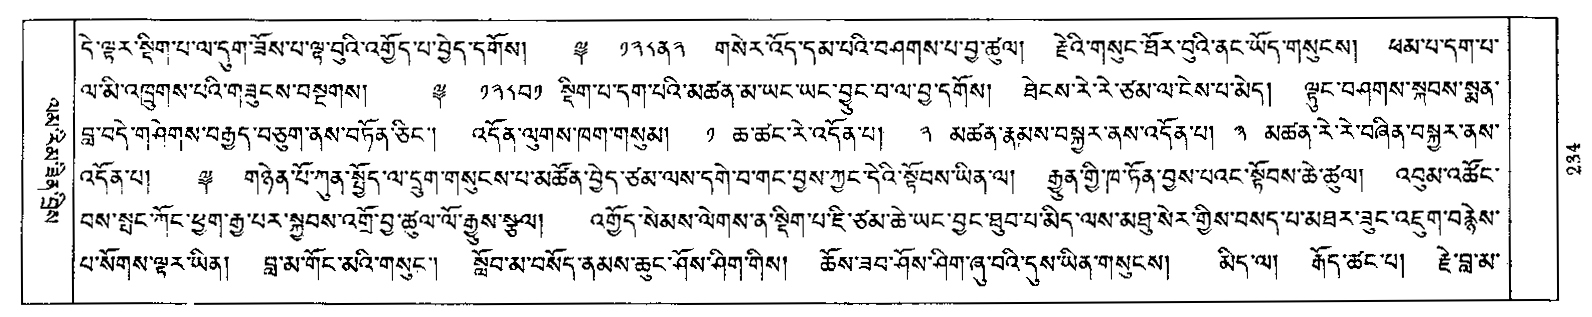དེ་ལྟར་སྡིག་པ་ལ་དུག་ཟོས་པ་ལྟ་བུའི་འགྱོད་པ་བྱེད་དགོས། ༈ ༡༢༨་ན ༢་གསེར་འོད་དམ་པའི་བཤགས་པ་བྱ་ཚུལ། རྗེའི་གསུང་ཐོར་བུའི་ནང་ཡོད་གསུངས། ཕམ་པ་དག་པ་
ལ་མི་འཁྲུགས་པའི་གཟུངས་བསྔགས། ༈ ༡༢༨་བ ༡་སྡིག་པ་དག་པའི་མཚན་མ་ཡང་ཡང་བྱུང་བ་ལ་བྱ་དགོས། ཐེངས་རེ་རེ་ཙམ་ལ་ངེས་པ་མེད། ལྟུང་བཤགས་སྐབས་སྨན་
བླ་བདེ་གཤེགས་བརྒྱད་བཅུག་ནས་བཏོན་ཅིང་། འདོན་ལུགས་ཁག་གསུམ། ༡་ཆ་ཚང་རེ་འདོན་པ། ༢་མཚན་རྣམས་བསྐྱར་ནས་འདོན་པ། ༣་མཚན་རེ་རེ་བཞིན་བསྐྱར་ནས་
འདོན་པ། ༈ གཉེན་པོ་ཀུན་སྤྱོད་ལ་དྲུག་གསུངས་པ་མཚོན་བྱེད་ཙམ་ལས་དགེ་བ་གང་བྱས་ཀྱང་དེའི་སྟོབས་ཡིན་ལ། རྒྱུན་གྱི་ཁ་ཏོན་བྱས་པའང་སྟོབས་ཆེ་ཚུལ། འབུམ་འཚོང་
བས་སྤང་ཀོང་ཕྱག་རྒྱ་པར་སྐྱབས་འགྲོ་བྱ་ཚུལ་ལོ་རྒྱུས་སྩལ། འགྱོད་སེམས་ལེགས་ན་སྡིག་པ་ཇི་ཙམ་ཆེ་ཡང་བྱང་ཐུབ་པ་མིད་ལས་མཐུ་སེར་གྱིས་བསད་པ་མཐར་ཟུང་འཇུག་བརྙེས་
པ་སོགས་ལྟར་ཡིན། བླ་མ་གོང་མའི་གསུང་། སློབ་མ་བསོད་ནམས་ཆུང་ཤོས་ཤིག་གིས། ཆོས་ཟབ་ཤོས་ཤིག་ཞུ་བའི་དུས་ཡིན་གསུངས། མིད་ལ། རྒོད་ཚང་པ། རྗེ་བླ་མ་